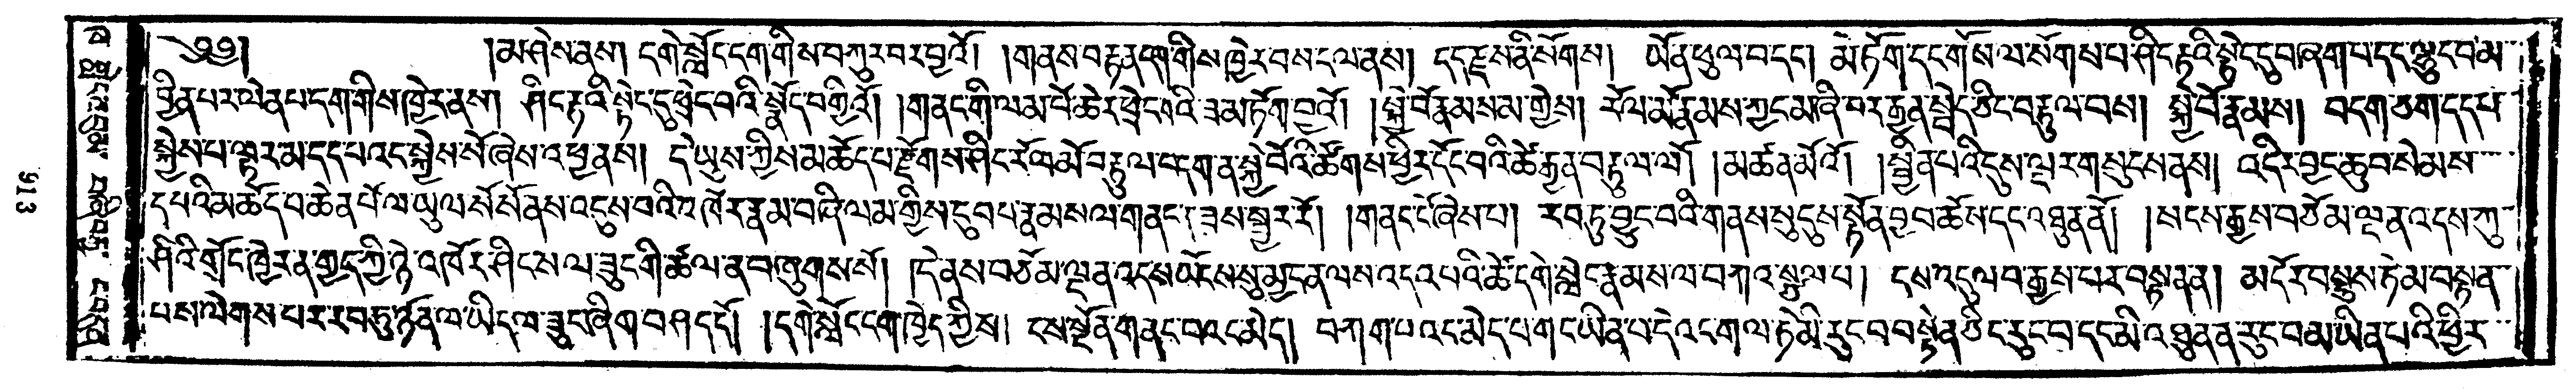༄༅། །མ་ཤེས་ནས། དགེ་སློང་ངག་གིས་བཀུར་བར་བྱའོ། །གནས་བརྟན་དག་གིས་ཁྱེར་བས་ངལ་ནས། དད་རྫས་ནི་སོགས། ཡོན་ཕུལ་བ་དང་། མེ་ཏོག་དང་གོས་ལ་སོགས་པ་ཤིང་རྟའི་སྟེང་དུ་བཞག་པ་དང་ལྷུང་བ་མ་
བྱིན་པར་ལེན་པ་དག་གིས་ཁྱེར་ནས། ཤིང་རྟའི་སྟེང་དུ་ཕྲེང་བའི་སྣོད་བགྱིའོ། །གནང་གི་ལམ་པོ་ཆེར་ཕྲེང་བའི་ཟམ་ཏོག་བྱའོ། །སྐྱེ་བོ་རྣམས་མ་གྱེས། རོལ་མོ་རྣམས་ཀྱང་མ་ཞི་བར་རྒྱན་སྤེད་ཅིང་བརྟུལ་བས། སྐྱེ་བོ་རྣམས། བདག་ཅག་དད་པ་
སྐྱེས་པ་ལྟར་མ་དད་པའང་སྐྱེས་སོ་ཞེས་འཕྱ་ནས། དེ་ཡུས་ཀྱིས་མཆོད་པ་རྫོགས་ཤིང་རོལ་མོ་བརྟུལ་བདག་ན་སྐྱེ་བོའི་ཚོགས་ཕྱིར་དོང་བའི་ཚེ་རྒྱན་བརྟུལ་ལོ། །མཚན་མོའོ། །སྦྱིན་པའི་དུས་ལྔར་གསུངས་ནས། འདིར་བྱང་ཆུབ་སེམས་
དཔའི་མཆོད་པ་ཆེན་པོ་ལ་ཡུལ་སོ་སོ་ནས་འདུས་པའི་འཁོར་རྣམ་བཞི་ལམ་གྱིས་དུབ་པ་རྣམས་ལ་གནང་། ན་ཟས་སྦྱར་རོ། །གནན་ངོ་ཞེས་པ། རབ་ཏུ་བྱུང་བའི་གནས་སུ་དུས་སྟོན་བྱ་བ་ཆོས་དང་འཐུན་ནོ། །སངས་རྒྱས་བཅོམ་ལྡན་འདས་ཀུ་
ཤིའི་གྲོང་ཁྱེར་ན་གྱད་ཀྱི་ཉེ་འཁོར་ཤིང་ས་ལ་ཟུང་གི་ཚལ་ན་བཞུགས་སོ། །དེ་ནས་བཅོམ་ལྡན་འདས་ཡོངས་སུ་མྱ་ངན་ལས་འདའ་བའི་ཚེ་དགེ་སླེང་རྣམས་ལ་བཀའ་སྩལ་པ། དས་འདུལ་བ་རྒྱས་པར་བསྟན་ན། མདོར་བསྡུས་ཏེ་མ་བསྟན་
པས་ལེགས་པར་རབ་ཏུ་ཉོན་ལ་ཡིད་ལ་ཟུང་ཞིག་བཤད་དོ། །དགེ་སློང་དག་ཁྱེད་ཀྱིས། ངས་སྔོན་གནང་བའང་མེད། བཀག་པའང་མེད་པ་གང་ཡིན་པ་དེའང་གལ་ཏེ་མི་རུང་བ་བསྟེན་ཅིང་རུང་བ་དང་མི་འཐུན་ན་རུང་བ་མ་ཡིན་པའི་ཕྱིར་